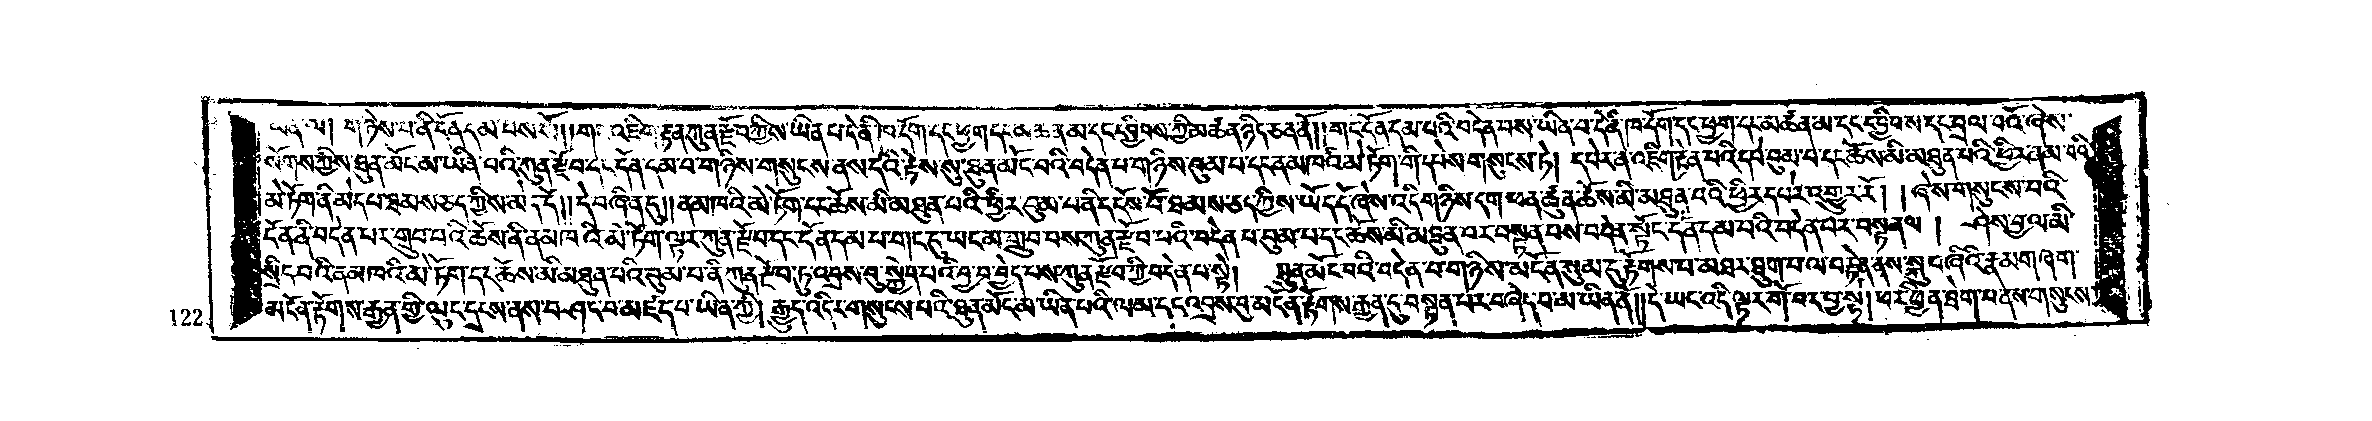ཡིན་ལ། གཉིས་པ་ནི་དོན་དམ་པས་སོ། །གང་འཇིག་རྟེན་ཀུན་རྫོབ་ཀྱིས་ཡིན་པ་དེ་ནི་ཁ་དོག་དང་ཕྱག་དང་མཚན་མ་དང་དབྱིབས་ཀྱི་མཚན་ཉིད་ཅན་ནོ། །གང་དོན་དམ་པའི་བདེན་པས་ཡིན་པ་དེ་ནི་ཁ་དོག་དང་ཕྱག་དང་མཚན་མ་དང་དབྱིབས་དང་བྲལ་བའོ་ཞེས་
སོགས་ཀྱིས་ཐུན་མོང་མ་ཡིན་པའི་ཀུན་རྫོབ་དང་དོན་དམ་པ་གཉིས་གསུངས་ནས་དེའི་རྟེས་སུ་ཐུན་མོང་བའི་བདེན་པ་གཉིས་བུམ་པ་དང་ནམ་མཁའི་མེ་ཏོག་གི་དཔེས་གསུངས་ཏེ། དཔེར་ན་འཇིག་རྟེན་པའི་དཔེ་བུམ་པ་དང་ཆོས་མི་མཐུན་པའི་ཕྱིར་ནམ་མཁའི་
མེ་ཏོག་ནི་མེད་པ་ཐམས་ཅད་ཀྱིས་མེད་དོ། །དེ་བཞིན་དུ། །ནམ་མཁའི་མེ་ཏོག་དང་ཆོས་མི་མཐུན་པའི་ཕྱིར་བུམ་པ་ནི་དངོས་པོ་ཐམས་ཅད་ཀྱིས་ཡོད་དོ་ཞེས་འདི་གཉིས་དག་ཕན་ཚུན་ཆོས་མི་མཐུན་པའི་ཕྱིར་དཔེར་འགྱུར་རོ། །ཞེས་གསུངས་པའི་
དོན་ནི་བདེན་པར་གྲུབ་པའི་ཆོས་ནི་ནམ་མཁའི་མེ་ཏོག་ལྟར་ཀུན་རྫོབ་དང་དོན་དམ་པ་གང་དུ་ཡང་མ་གྲུབ་པས་ཀུན་རྫོབ་པའི་བདེན་པ་བུམ་པ་དང་ཆོས་མི་མཐུན་པར་བསྟན་པས་བདེན་སྟོང་དོན་དམ་པའི་བདེན་པར་བསྟན་ལ། ཤེས་བྱ་ལ་མི་
སྲིད་པའི་ནམ་མཁའི་མེ་ཏོག་དང་ཆོས་མི་མཐུན་པའི་བུམ་པ་ནི་ཀུན་རྫོབ་ཏུ་འབྲས་བུ་སྐྱེད་པའི་བྱ་བ་བྱེད་པས་ཀུན་རྫོབ་ཀྱི་བདེན་པ་སྟེ། ཐུན་མོང་བའི་བདེན་པ་གཉིས་མངོན་སུམ་དུ་རྟོགས་པ་མཐར་ཐུག་པ་ལ་བརྟེན་ནས་སྐུ་བཞིའི་རྣམ་གཞག་
མངོན་རྟོགས་རྒྱན་གྱི་ལུང་དྲངས་ནས་བཤད་པ་མཛད་པ་ཡིན་ཀྱི། རྒྱུད་འདིར་གསུངས་པའི་ཐུན་མོང་མ་ཡིན་པའི་ལམ་དང་འབྲས་བུ་མངོན་རྟོགས་རྒྱན་དུ་བསྟན་པར་བཞེད་པ་མ་ཡིན་ནོ། །དེ་ཡང་འདི་ལྟར་གོ་བར་བྱ་སྟེ། ཕར་ཕྱིན་ཐེག་པ་ནས་གསུངས་